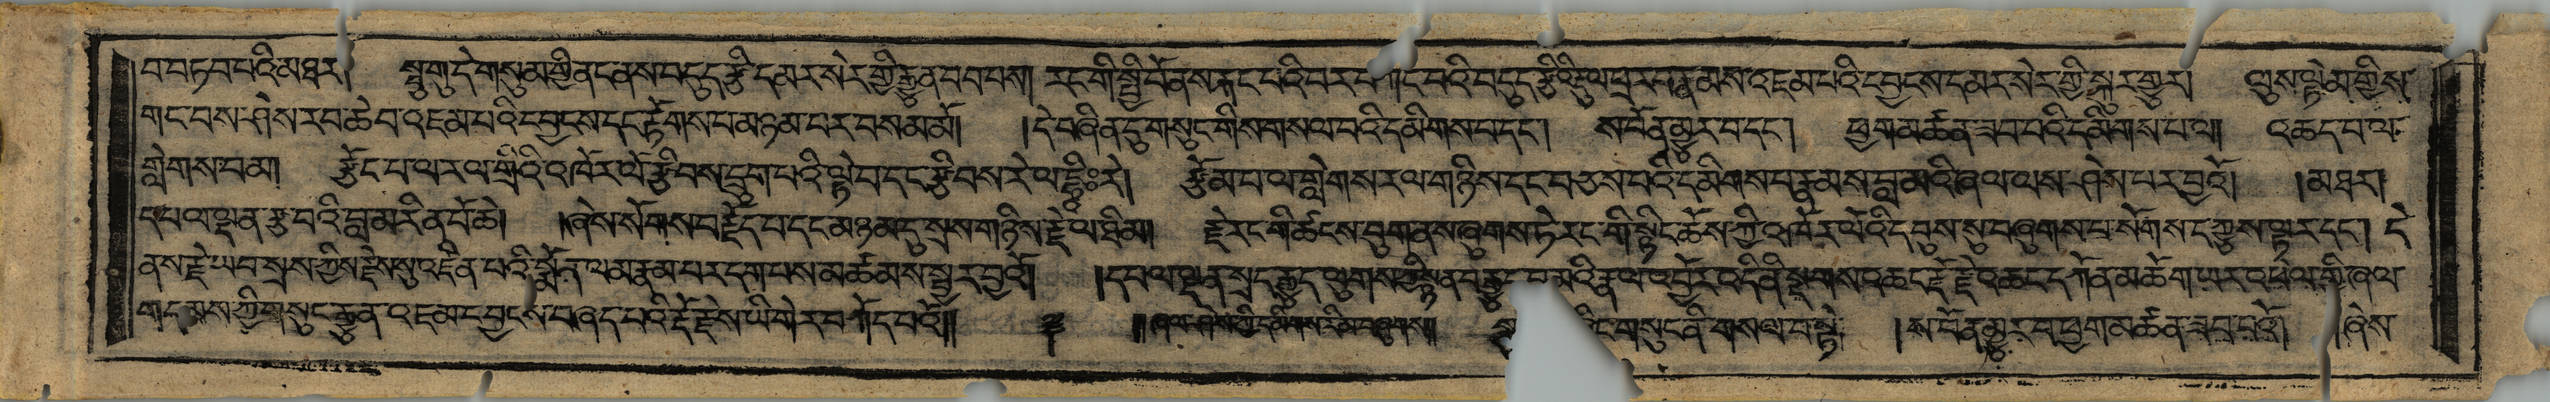བ་བཏབ་པའི་མཐར། སྤུ་གུ་དེ་གསུམ་གྱི་ནང་ནས་བདུད་རྩི་དམར་སེར་གྱི་རྒྱུན་བབ་བས། རང་གི་སྤྱི་བོ་ནས་རྐང་པའི་པར་བཀང་བའི་བདུད་རྩིའི་རྡུལ་ཕྲར་བ་རྣམས་འཇམ་པའི་དབྱངས་དམར་སེར་གྱི་སྐུར་གྱུར། ལུས་ལྟེམ་གྱིས་
གང་བས་ཤེས་རབ་ཆེ་བ་འཇམ་པའི་དབྱངས་དང་རྟོགས་བ་མཉམ་པར་བསམ་མོ། །དེ་བཞིན་དུ་གསུང་གིས་གསལ་བའི་དམིགས་པ་དང་། ས་བོན་མྱུར་བ་དང་། ཕྱག་མཚན་ཟབ་བའི་དམིགས་བ་ལ། འཆད་པ་ལ་
གླེགས་བམ། རྩོད་པ་ལ་རལ་གྲིའི་འཁོར་ལོ་རྩིབས་དྲུག་པའི་ལྟེ་བ་དང་རྩིབས་རེ་ལ་དྷཱིཿརེ། རྩོམ་པ་ལ་གླེགས་རལ་གཉིས་དང་བཅས་པའི་དམིགས་པ་རྣམས་བླ་མའི་ཞལ་ལས་ཤེས་པར་བྱའོ། །མཐར།
དཔལ་ལྡན་རྩ་བའི་བླ་མ་རིན་པོ་ཆེ། །ཞེས་སོགས་བརྗོད་པ་དང་མཉམ་དུ་སྲས་གཉིས་རྗེ་ལ་ཐིམ། རྗེ་རང་གི་ཚངས་བུག་ནས་ཞུགས་ཏེ་རང་གི་སྙིང་ཆོས་ཀྱི་འཁོར་ལོའི་དབུས་སུ་བཞུགས་པ་སོགས་དཀྱུས་ལྟར་དང་། དེ་
ནས་རྗེ་ཡབ་སྲས་ཀྱིས་རྗེས་སུ་འཛིན་པའི་སྨོན་ལམ་རྣམ་པར་དག་པས་མཚམས་སྦྱར་བྱའོ། །དཔལ་ལྡན་སྲད་རྒྱུད་ལུགས་ཀྱི་སྟན་བརྒྱུད་བླ་མའི་རྣལ་འབྱོར་འདི་ནི་སྔགས་འཆང་རྡོ་རྗེ་འཆང་དཀོན་མཆོག་ཡར་འཕེལ་གྱི་ཞལ་
གདམས་ཀྱི་གསུང་རྒྱུན་འཇམ་དབྱངས་བཞད་པའི་རྡོ་རྗེས་ཡི་གེར་བཀོད་པའོ།། ༈ །།ཞལ་ཤེས་ཀྱི་དམིགས་རིམ་བཞུགས། སྐུ་ནི་ཆེ་ཞིང་གསུང་ནི་གསལ་བ་སྟེ། །ས་བོན་མྱུར་བ་ཕྱག་མཚན་ཟབ་པའོ། །ཞེས་